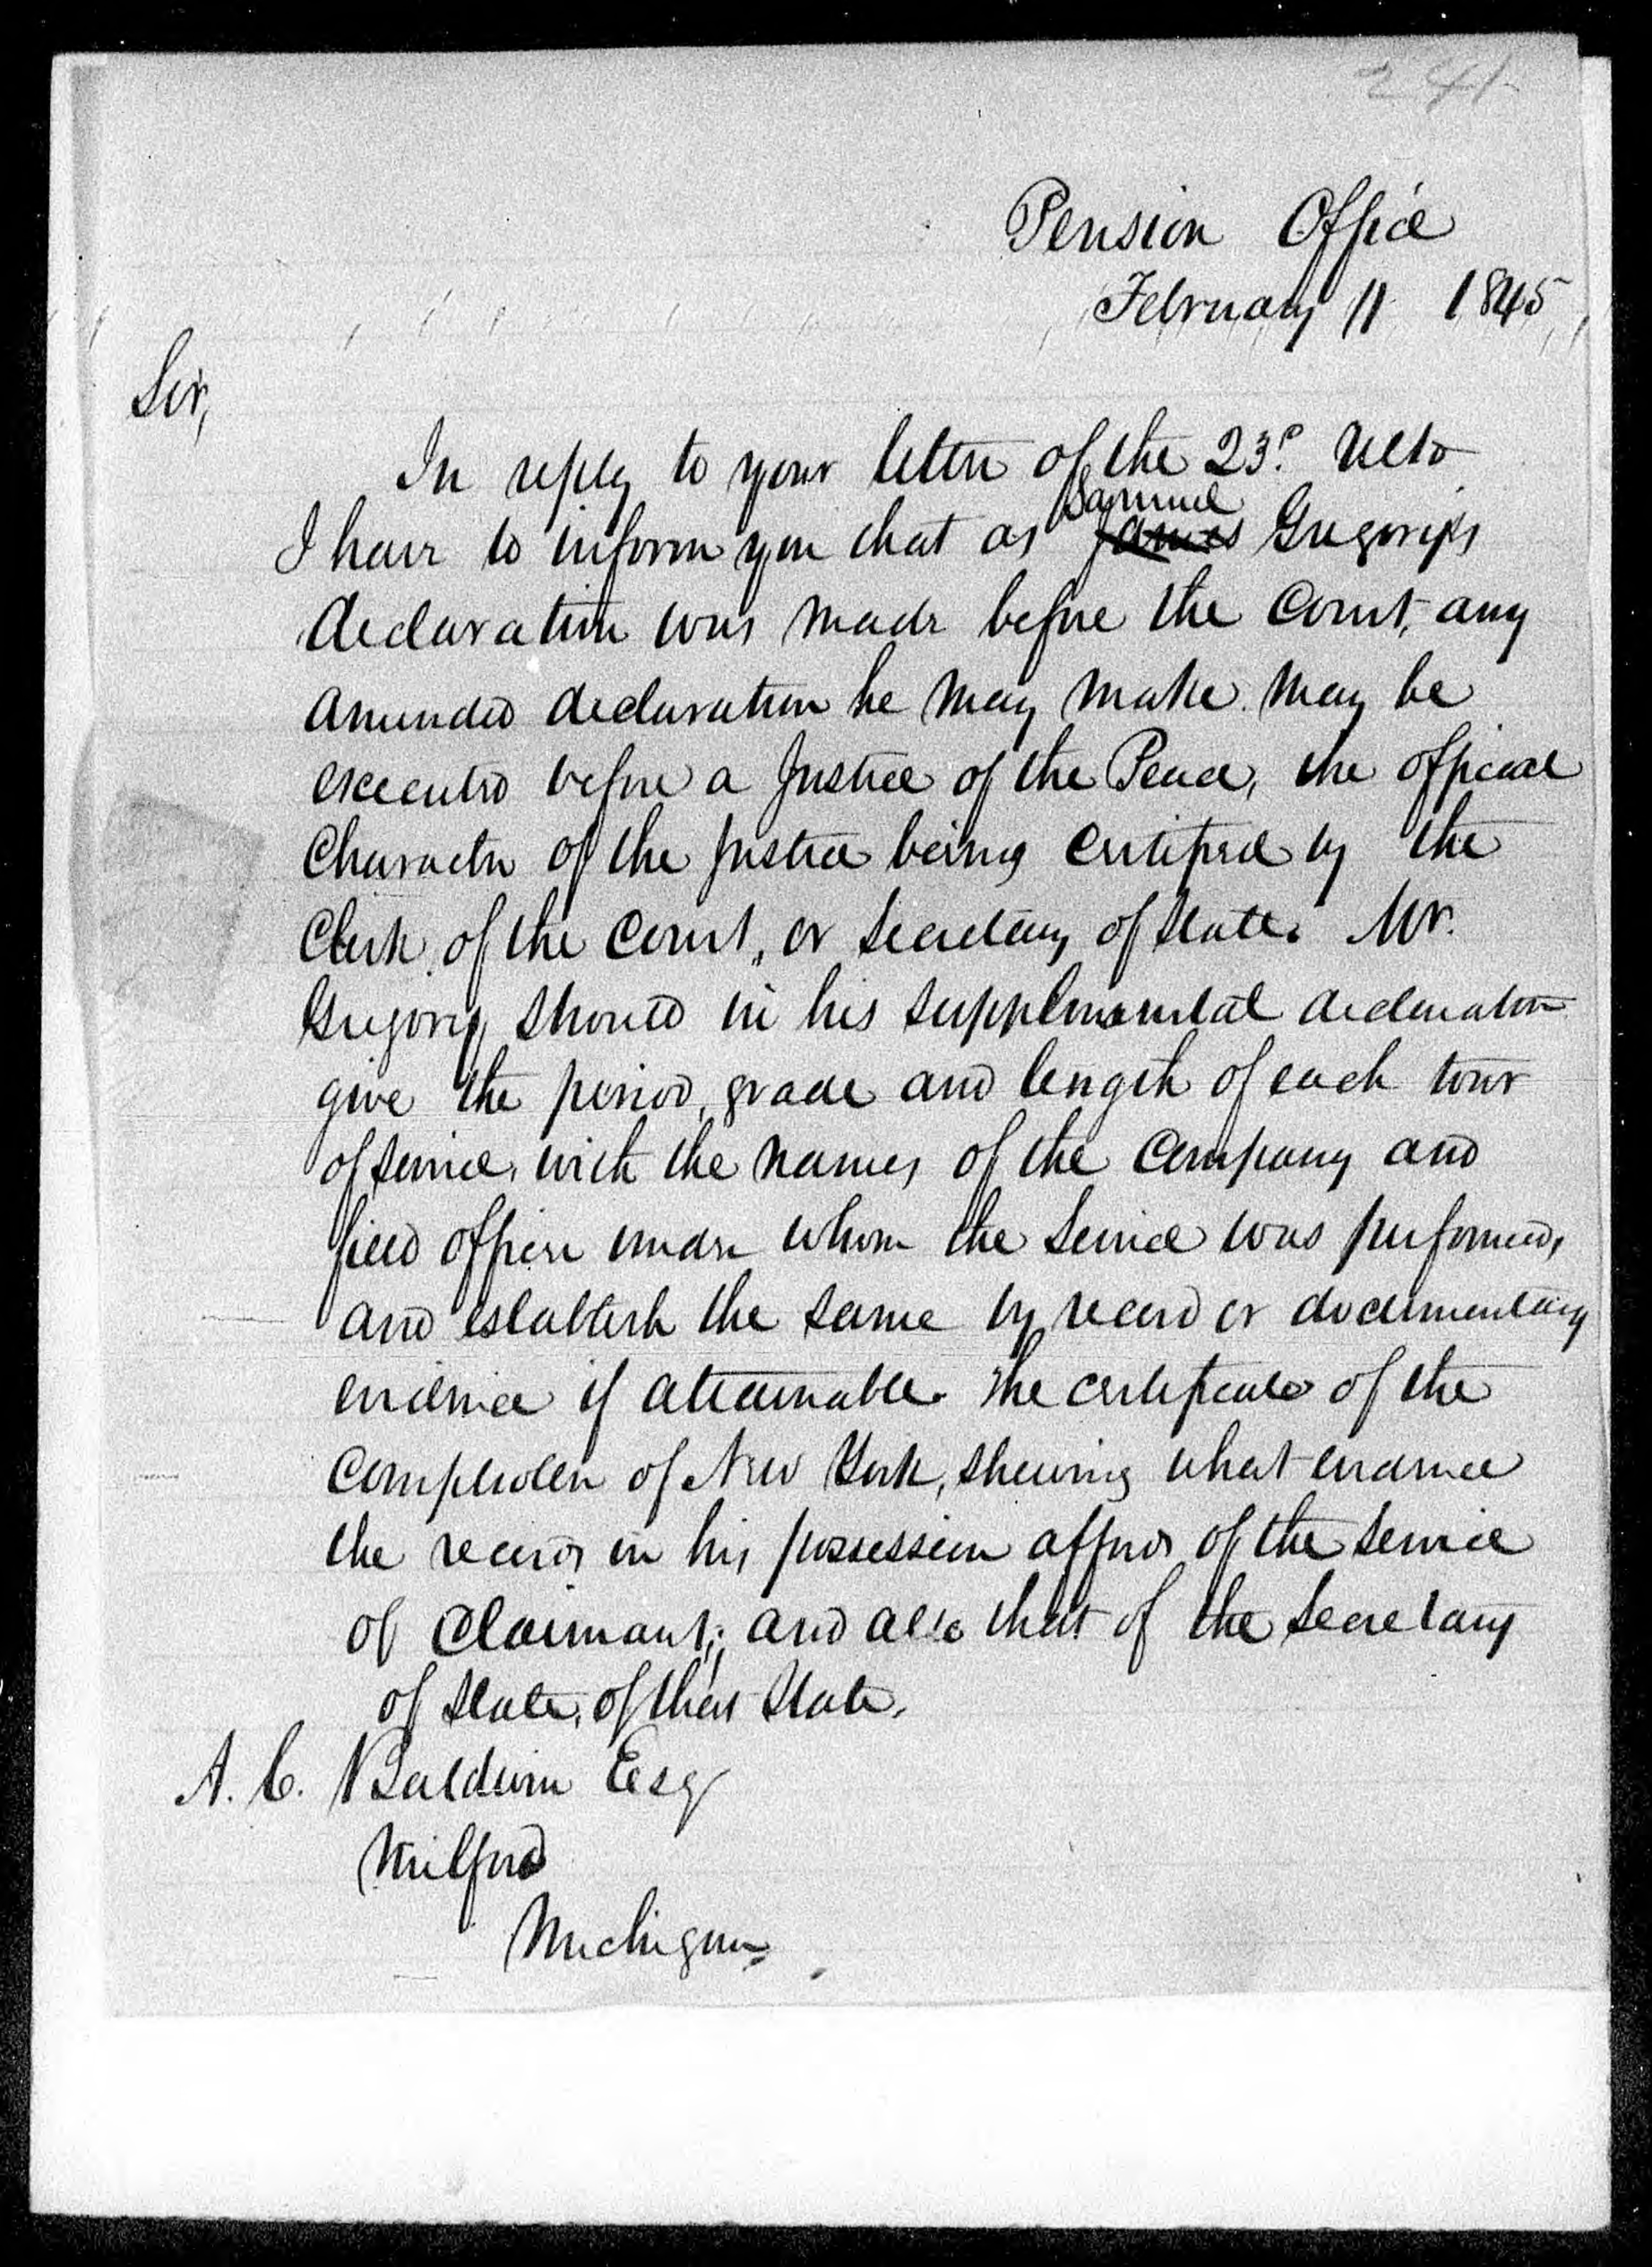Pension Office
February 11, 1845

Sir

In reply to your letter of the 23d Nov[?] I have to inform you that as Samuel Gregory's declaration was made before the court and amended declaration he may make may be executed before a Justice of the Peace, the official character of the Justice being certified by the clerk of the court, or Secretary of State. Mr. Gregory should in his supplemental declaration give the period, grade and length of each term of service, with the names of the company and field officer under whom the service was performed and establish the same by record or documentary evidence if attainable the certificate of the completion of New York, sharing what evidence the record in his possession [illegible] of the service of claimant; and also that of the Secretary of their State.

A. C. Baldwin Esq
Milford Michigan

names: A C Bladwin, Gregory, Samuel Gregory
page: 44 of 66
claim: rejected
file: R. 4298, Samuel Gregory, New York